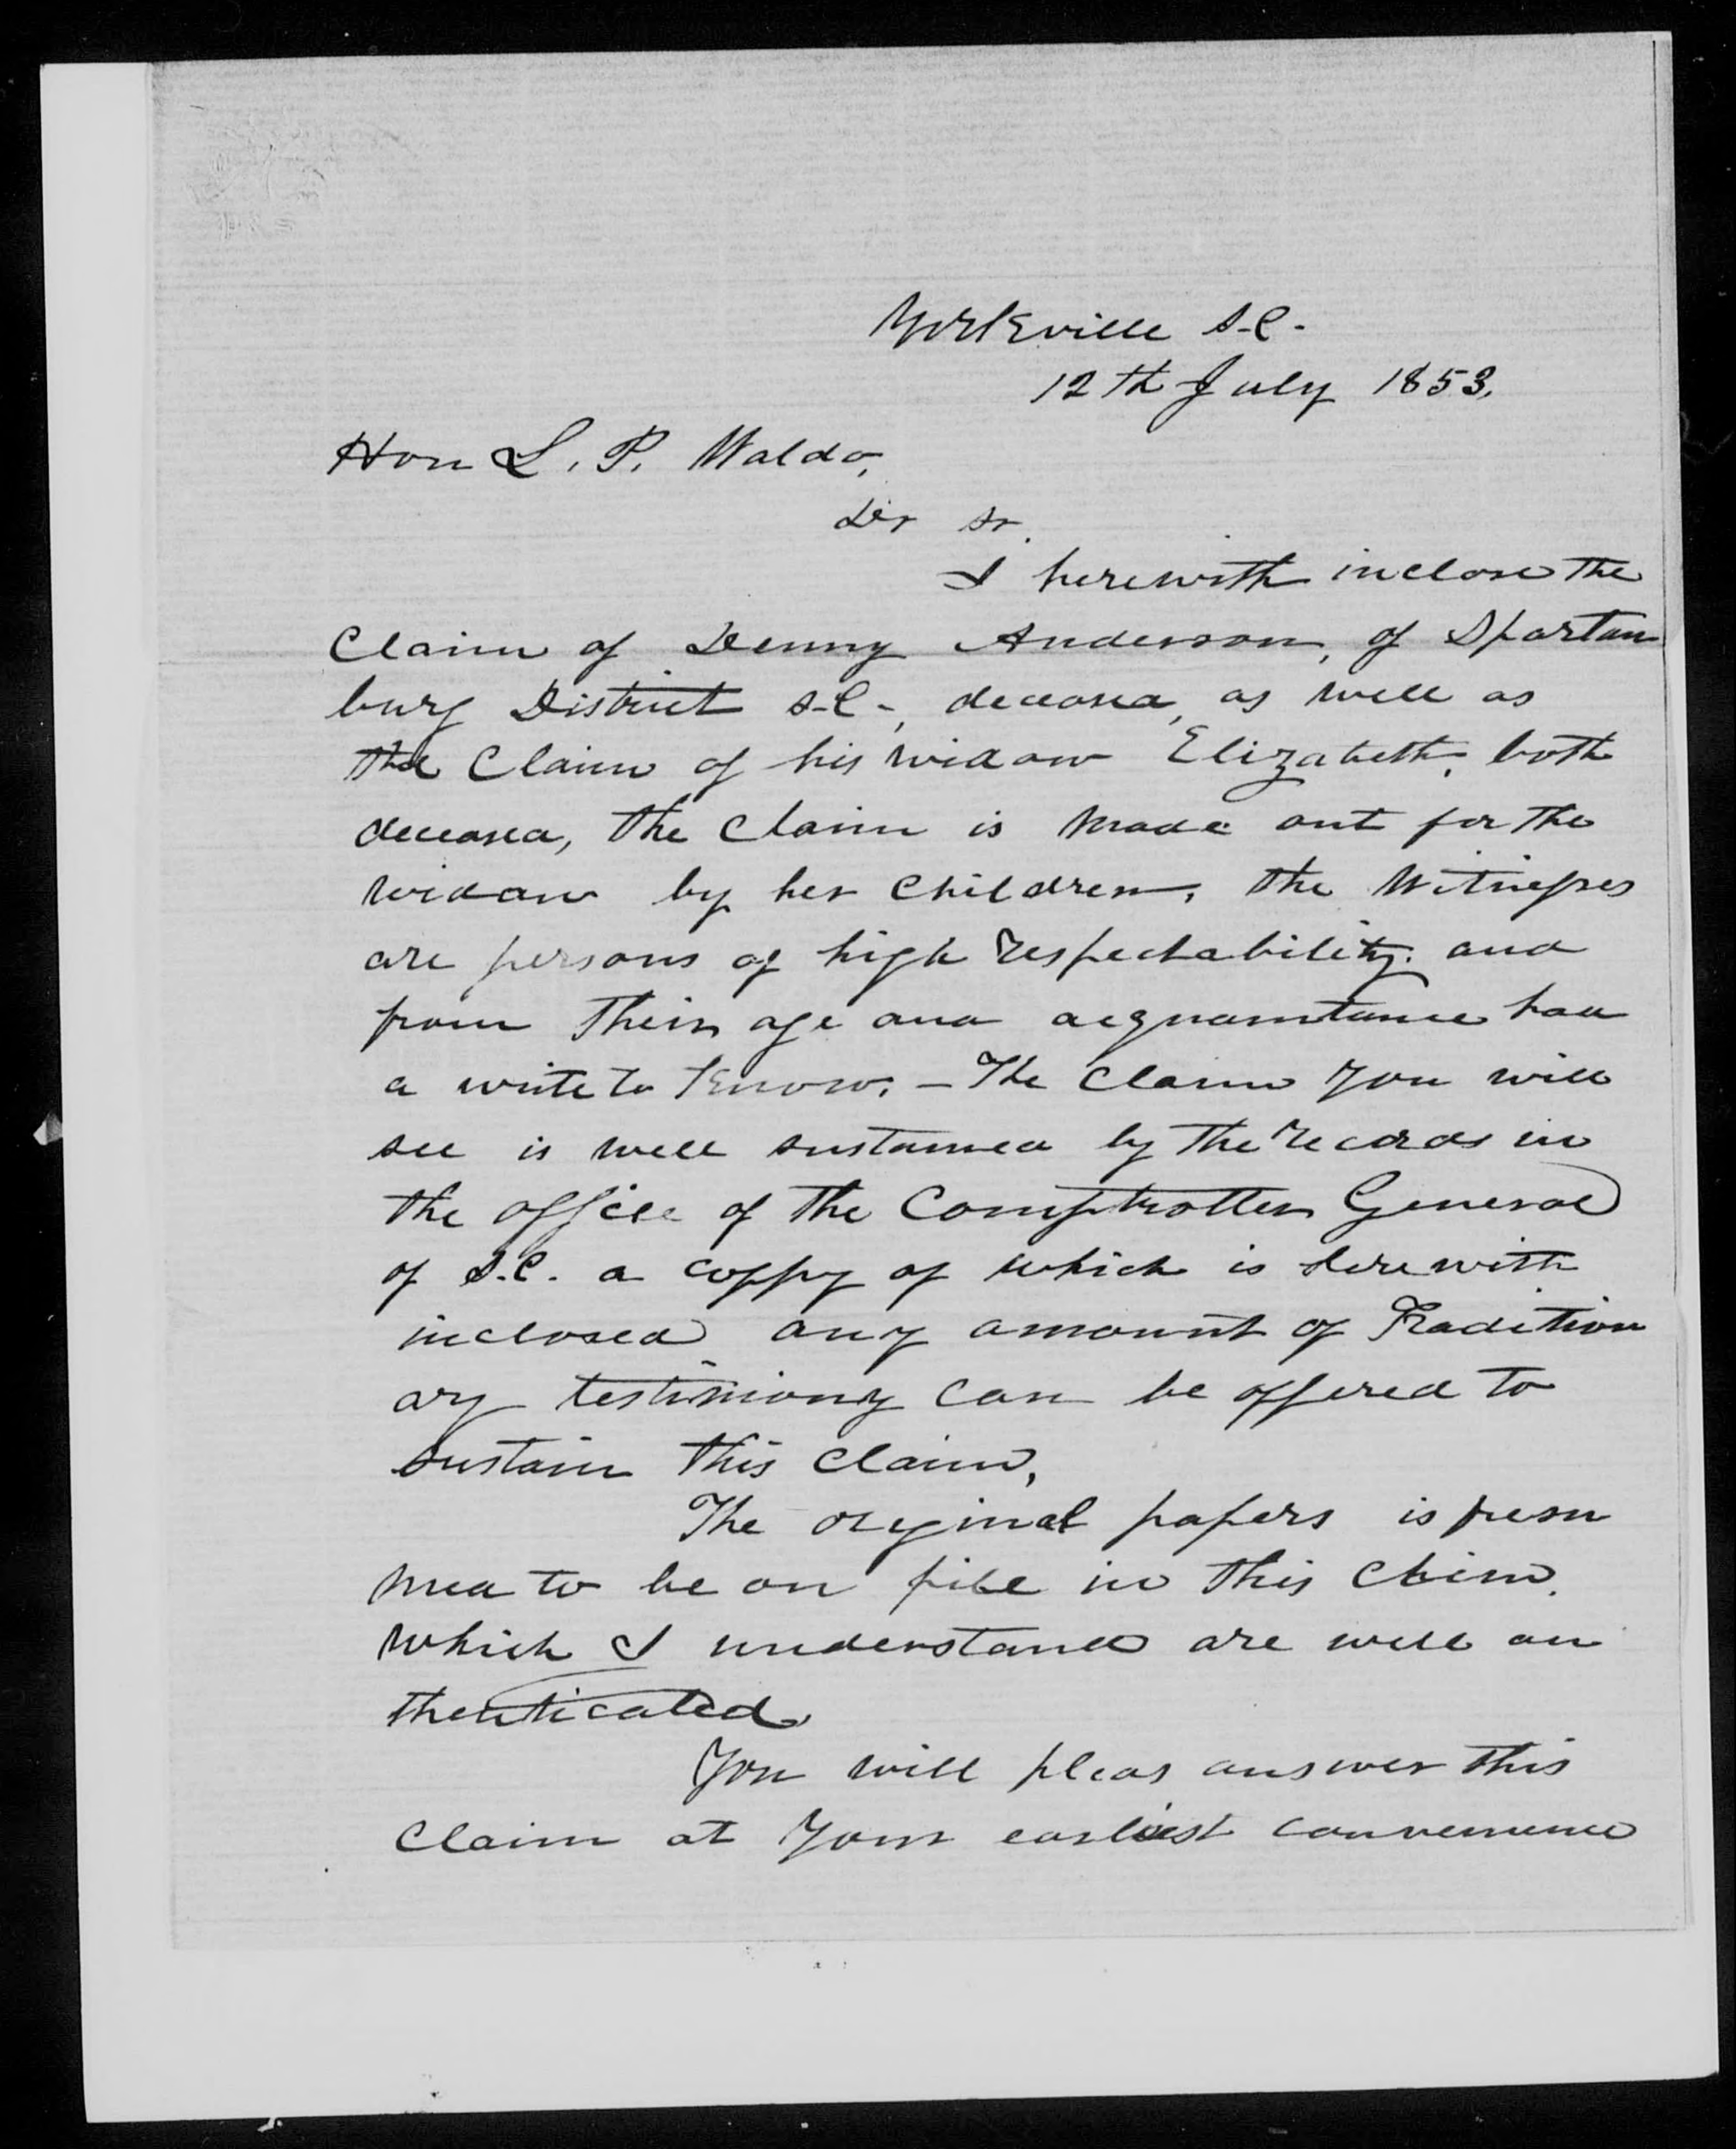Yorkville S.C.
12th July 1853,

Hon L. P. Waldo
Dr Sr,
I herewith inclose the claim of Denny Anderson, of Spartanburg District S.C., deceased, as well as the claim of his widow Elizabeth, both deceased, the claim is made out for the widow by her children, the witnesses are persons of high respectability and from their age and acquaintance had a
write to know. The claim you will see is well sustained by the records in the office of the Comptroller General of S.C. a coppy of which is herewith inclosed any amount of traditionary testimony can be offered to sustain this claim.
The original papers is presumed to be on file in this claim which I understand are well authenticated.
You will pleas answer this claim at your earliest convenience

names: L P Waldo, Elizabeth, Denny Anderson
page: 45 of 51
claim: widow's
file: W. 9700, Denney Anderson, S.C.